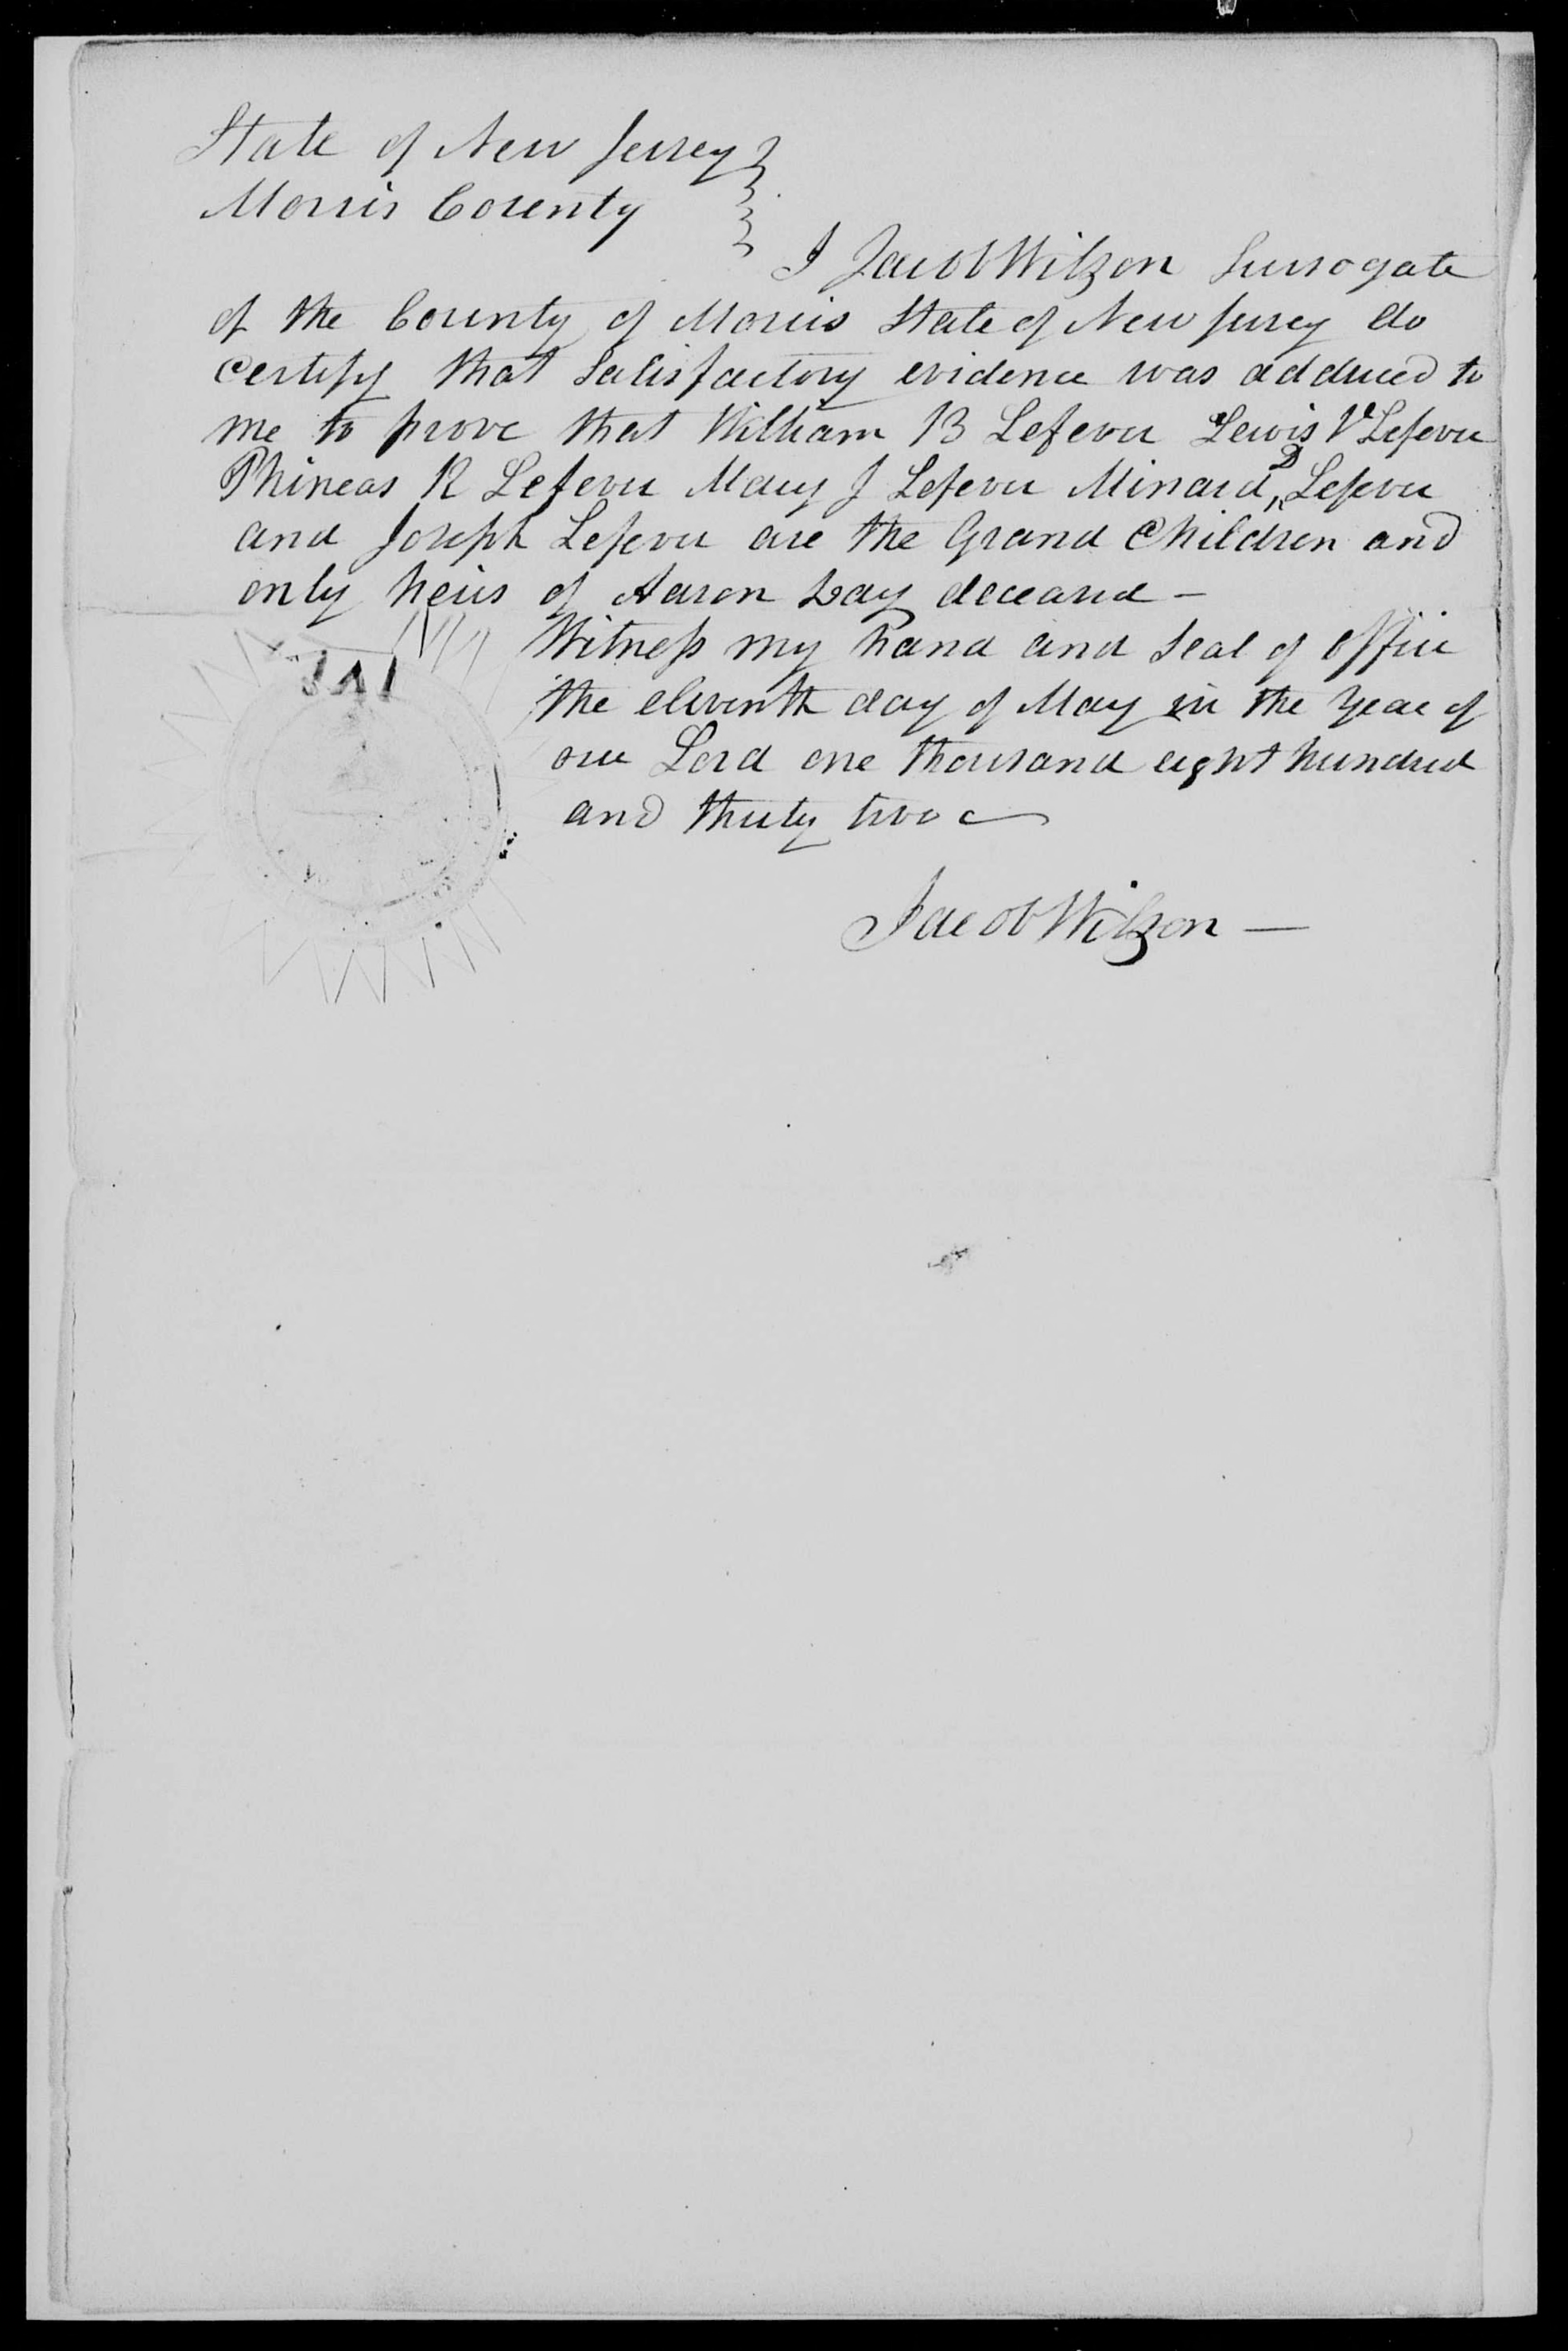State of New Jersey
Morris County

I Jacob Wilson Surrogate of the County of Morris State of New Jersey do certify that satisfactory evidence was adduced to me to prove that William B. Lefever Lewis V. Lefever Phineas K. Lefever Mary J Lefever Minard D Lefever and Joseph Lefever are the Grand children and only heirs of Aaron Day deceased-
Witness my hand and Seal of office the eleventh day of May in the year of our Lord one thousand eight hundred and thirty two-
[signature]
Jacob Wilson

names: Joseph Lefever, Lewis V Lefever, William B Lefever, Jacob Wilson, Jacob Wilson, Aaron Day, Mary J Lefever, Phineas R Lefever, Minard D Lefever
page: 2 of 15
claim: bounty land warrant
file: B. L. Wt. 1849-200, Aaron Day, New Jersey